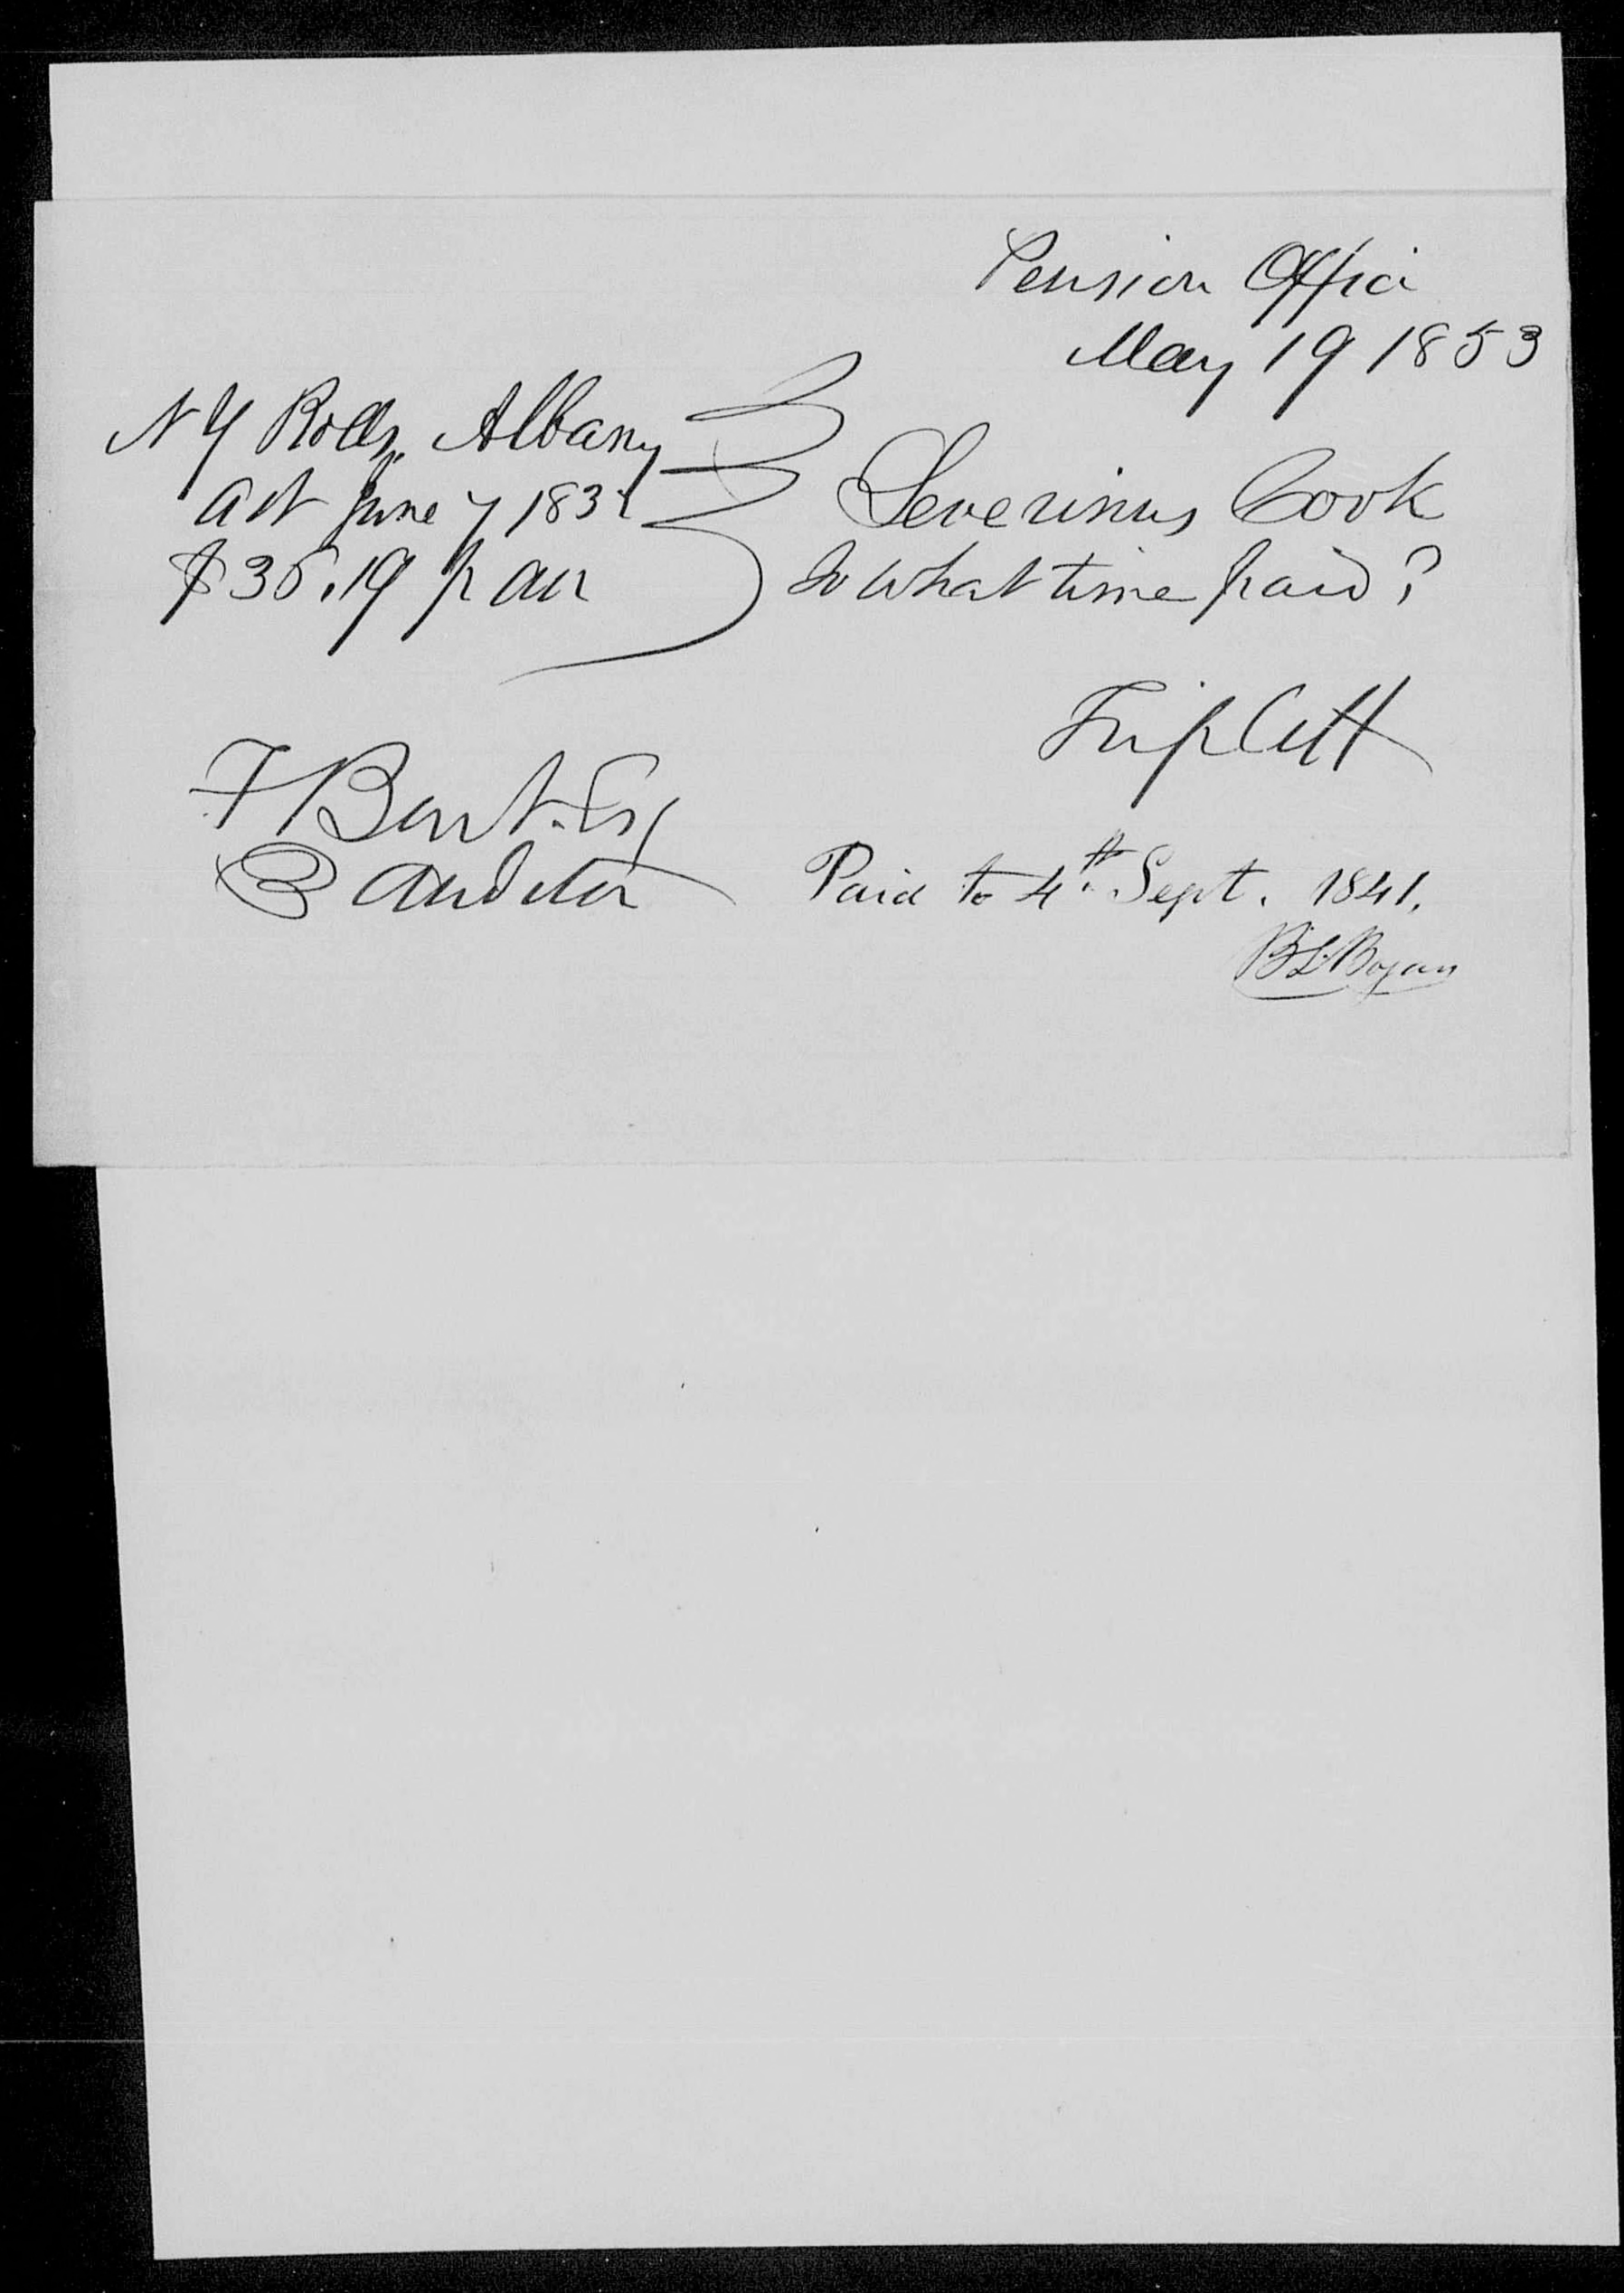Pension Office
May 19 1853

NY Rolls Albany
Act June 7 1832 } Severinus Cook
$36.19 per an } In what time paid?

Triplett
F Bartls Auditor
Paid to 4th Sept. 1841
B. L. Bryan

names: F Bent, B L Bojan, Severinus Cook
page: 28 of 51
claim: survivor's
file: S. 12563, Severinus Cook, New York